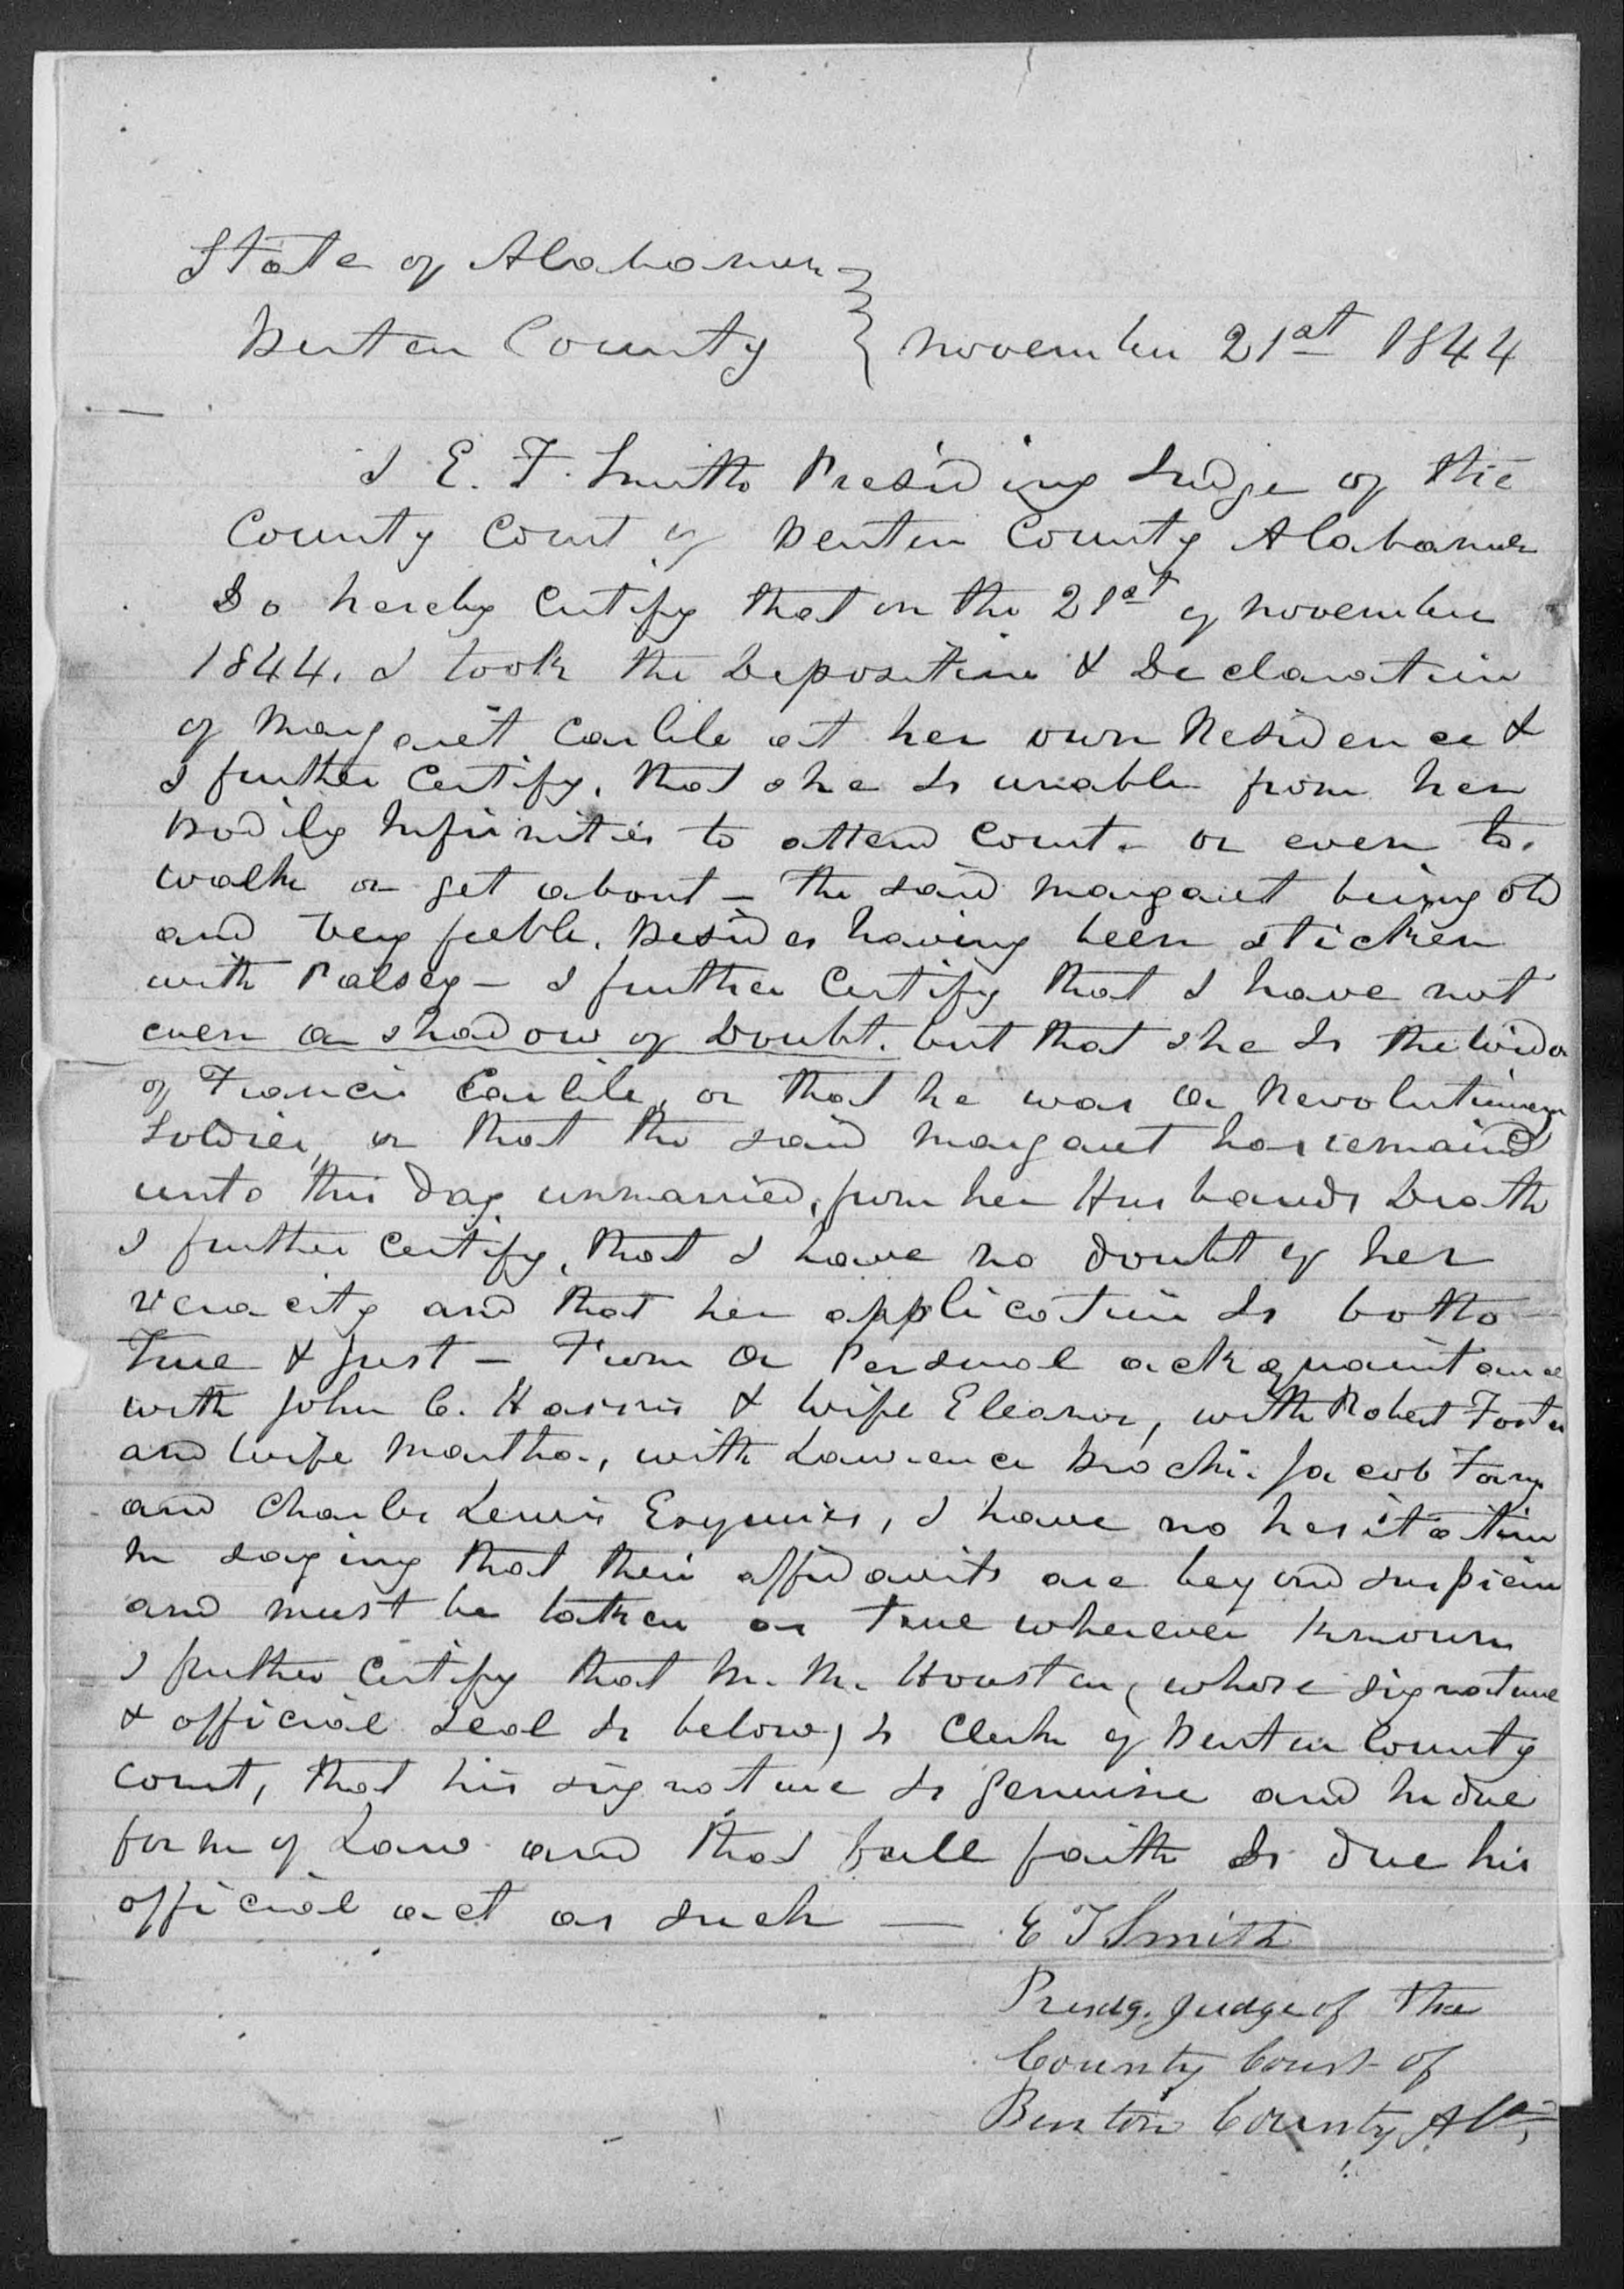State of Alabama
Benton County  November 21st 1844
E. F. Smith Presiding Judge of the County Court of Benton County Alabama Do hereby certify that on the 22d of November 1844. I took the Deposition & Declaration of Margret Carlisle at her own residence & further certify, that she is unable from her bodily infirmities to attend Court, or even to
walk or get about-- the said Margaret being old and very feeble, besides having been stricken
with Palsy- I further certify that I have not even one shadow of Doubt, but that she is the widow
of Francis Carlisle, or the he was a Revolutionary Soldier, or that the said Margaret has remained
unto this day unmarried, from her Husbands death

I further certify, that I have no doubt of her veracity and that her application is both true & just - From a personal acquaintance with John C. Harris & wife Eleanor, with Robert Foster and wife Martha, with Lawrence [illegible], Jacob Forry and Charles Lewis Esquire, I have no hesitation in saying that their affidavits are beyond suspicion  and must be taken as true wherever known

I further certify that M. M Houston (whose signature & official Seal is below), is Clerk of Court in  Benton County court, that his signature is genuine and in due form of Law and that full faith is due his official acts as such
E T Smith
Presdg, Judge of the
County Court of Benton County Ala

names: John C Harris, Jacob Foster, E T Smith, Margaret Carlile, Francis Carlile, Charles Lewis, M M Houston, Margaret, E F Smith, Margaret, Eleanor, Robert Foster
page: 71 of 91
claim: widow's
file: W. 10576, Francis Carlisle, S.C.